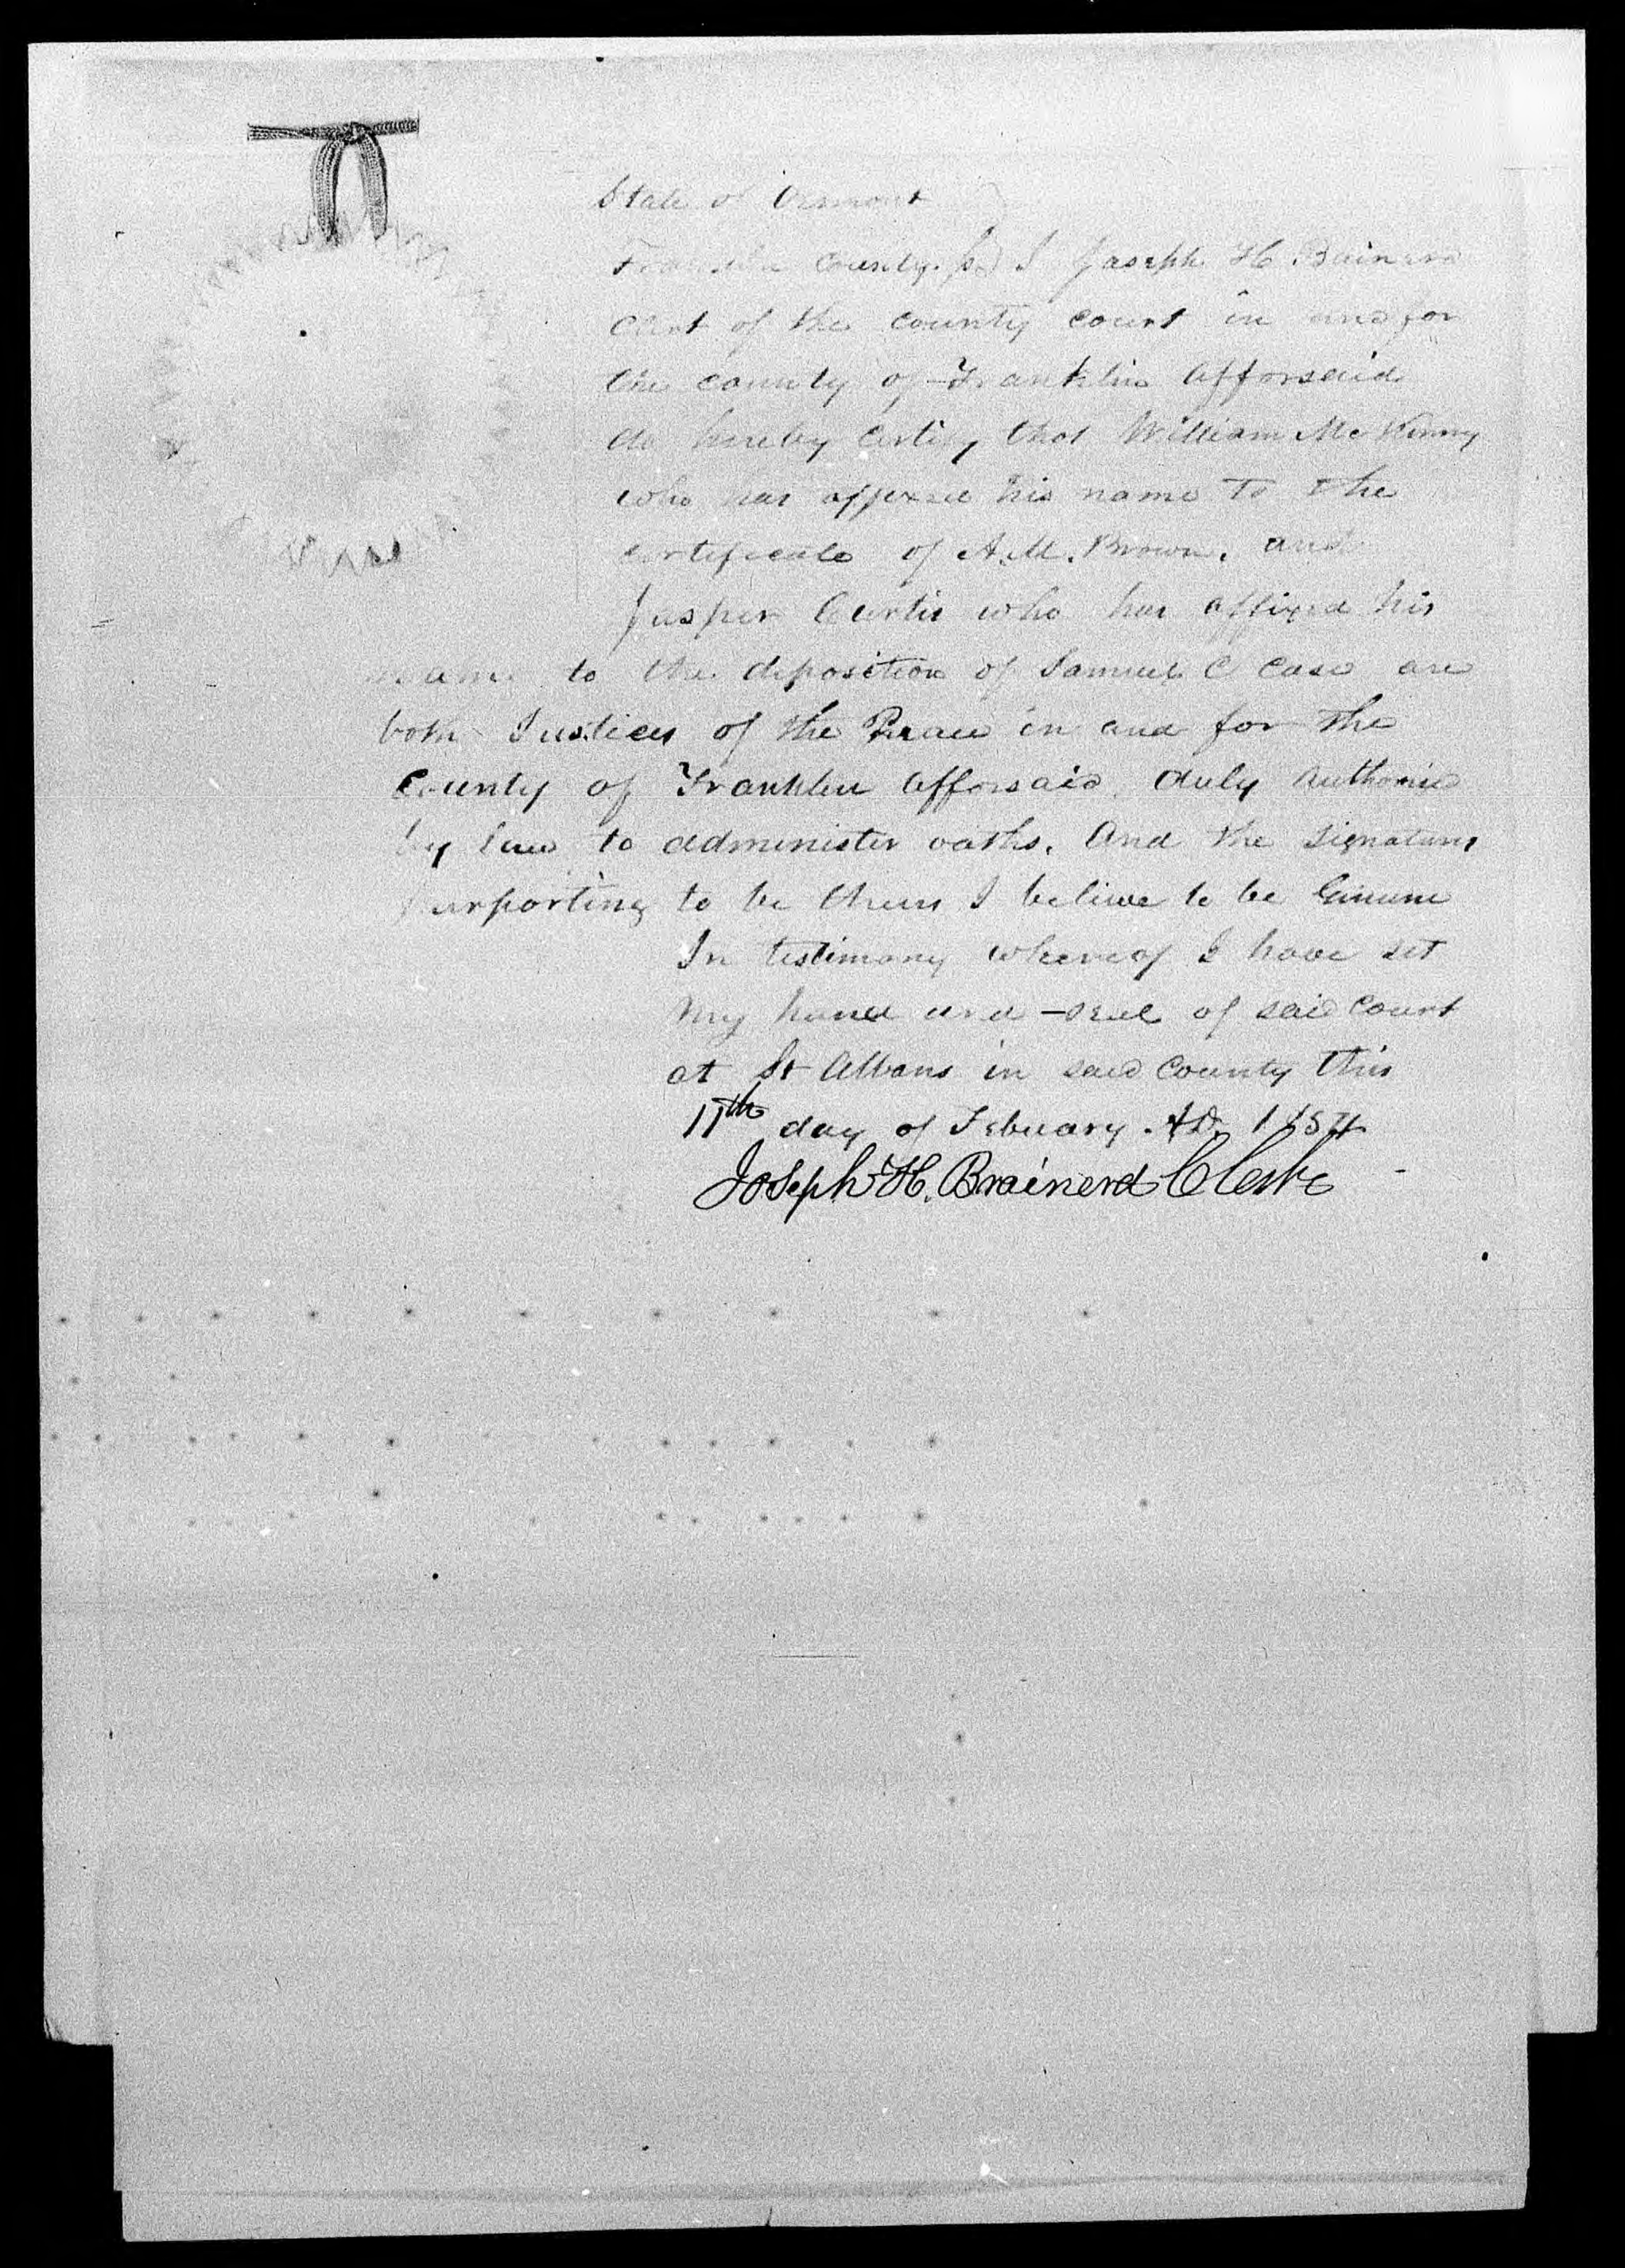State of Vermont 
Franklin County
 I Joseph H Brainerd clerk of the county court in and for the county of Franklin afforsaid do hereby certify that William McKinney who has affixed his name to the certificate of A. M. Brown, and jasper Curtis who has affixed his name to the deposition of Samuel C Case are both justices of the Peace in and for the county of Franklin afforsaid duly authorized by law to administer oaths, and the signatures purporting to be theirs I believe to be Genuine 
In testimony whereof I have set my hand and seal of said court at St Albans in said county this 11th day of Febuary ILLEGIBLE 1854 
Joseph H Brainerd Clerk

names: A M Brown, Samuel C Case, Joseph H Brainerd, Jasper Curtis, William Mc Kenny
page: 20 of 58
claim: widow's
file: W. 25813, Jehiel Hull, Conn.